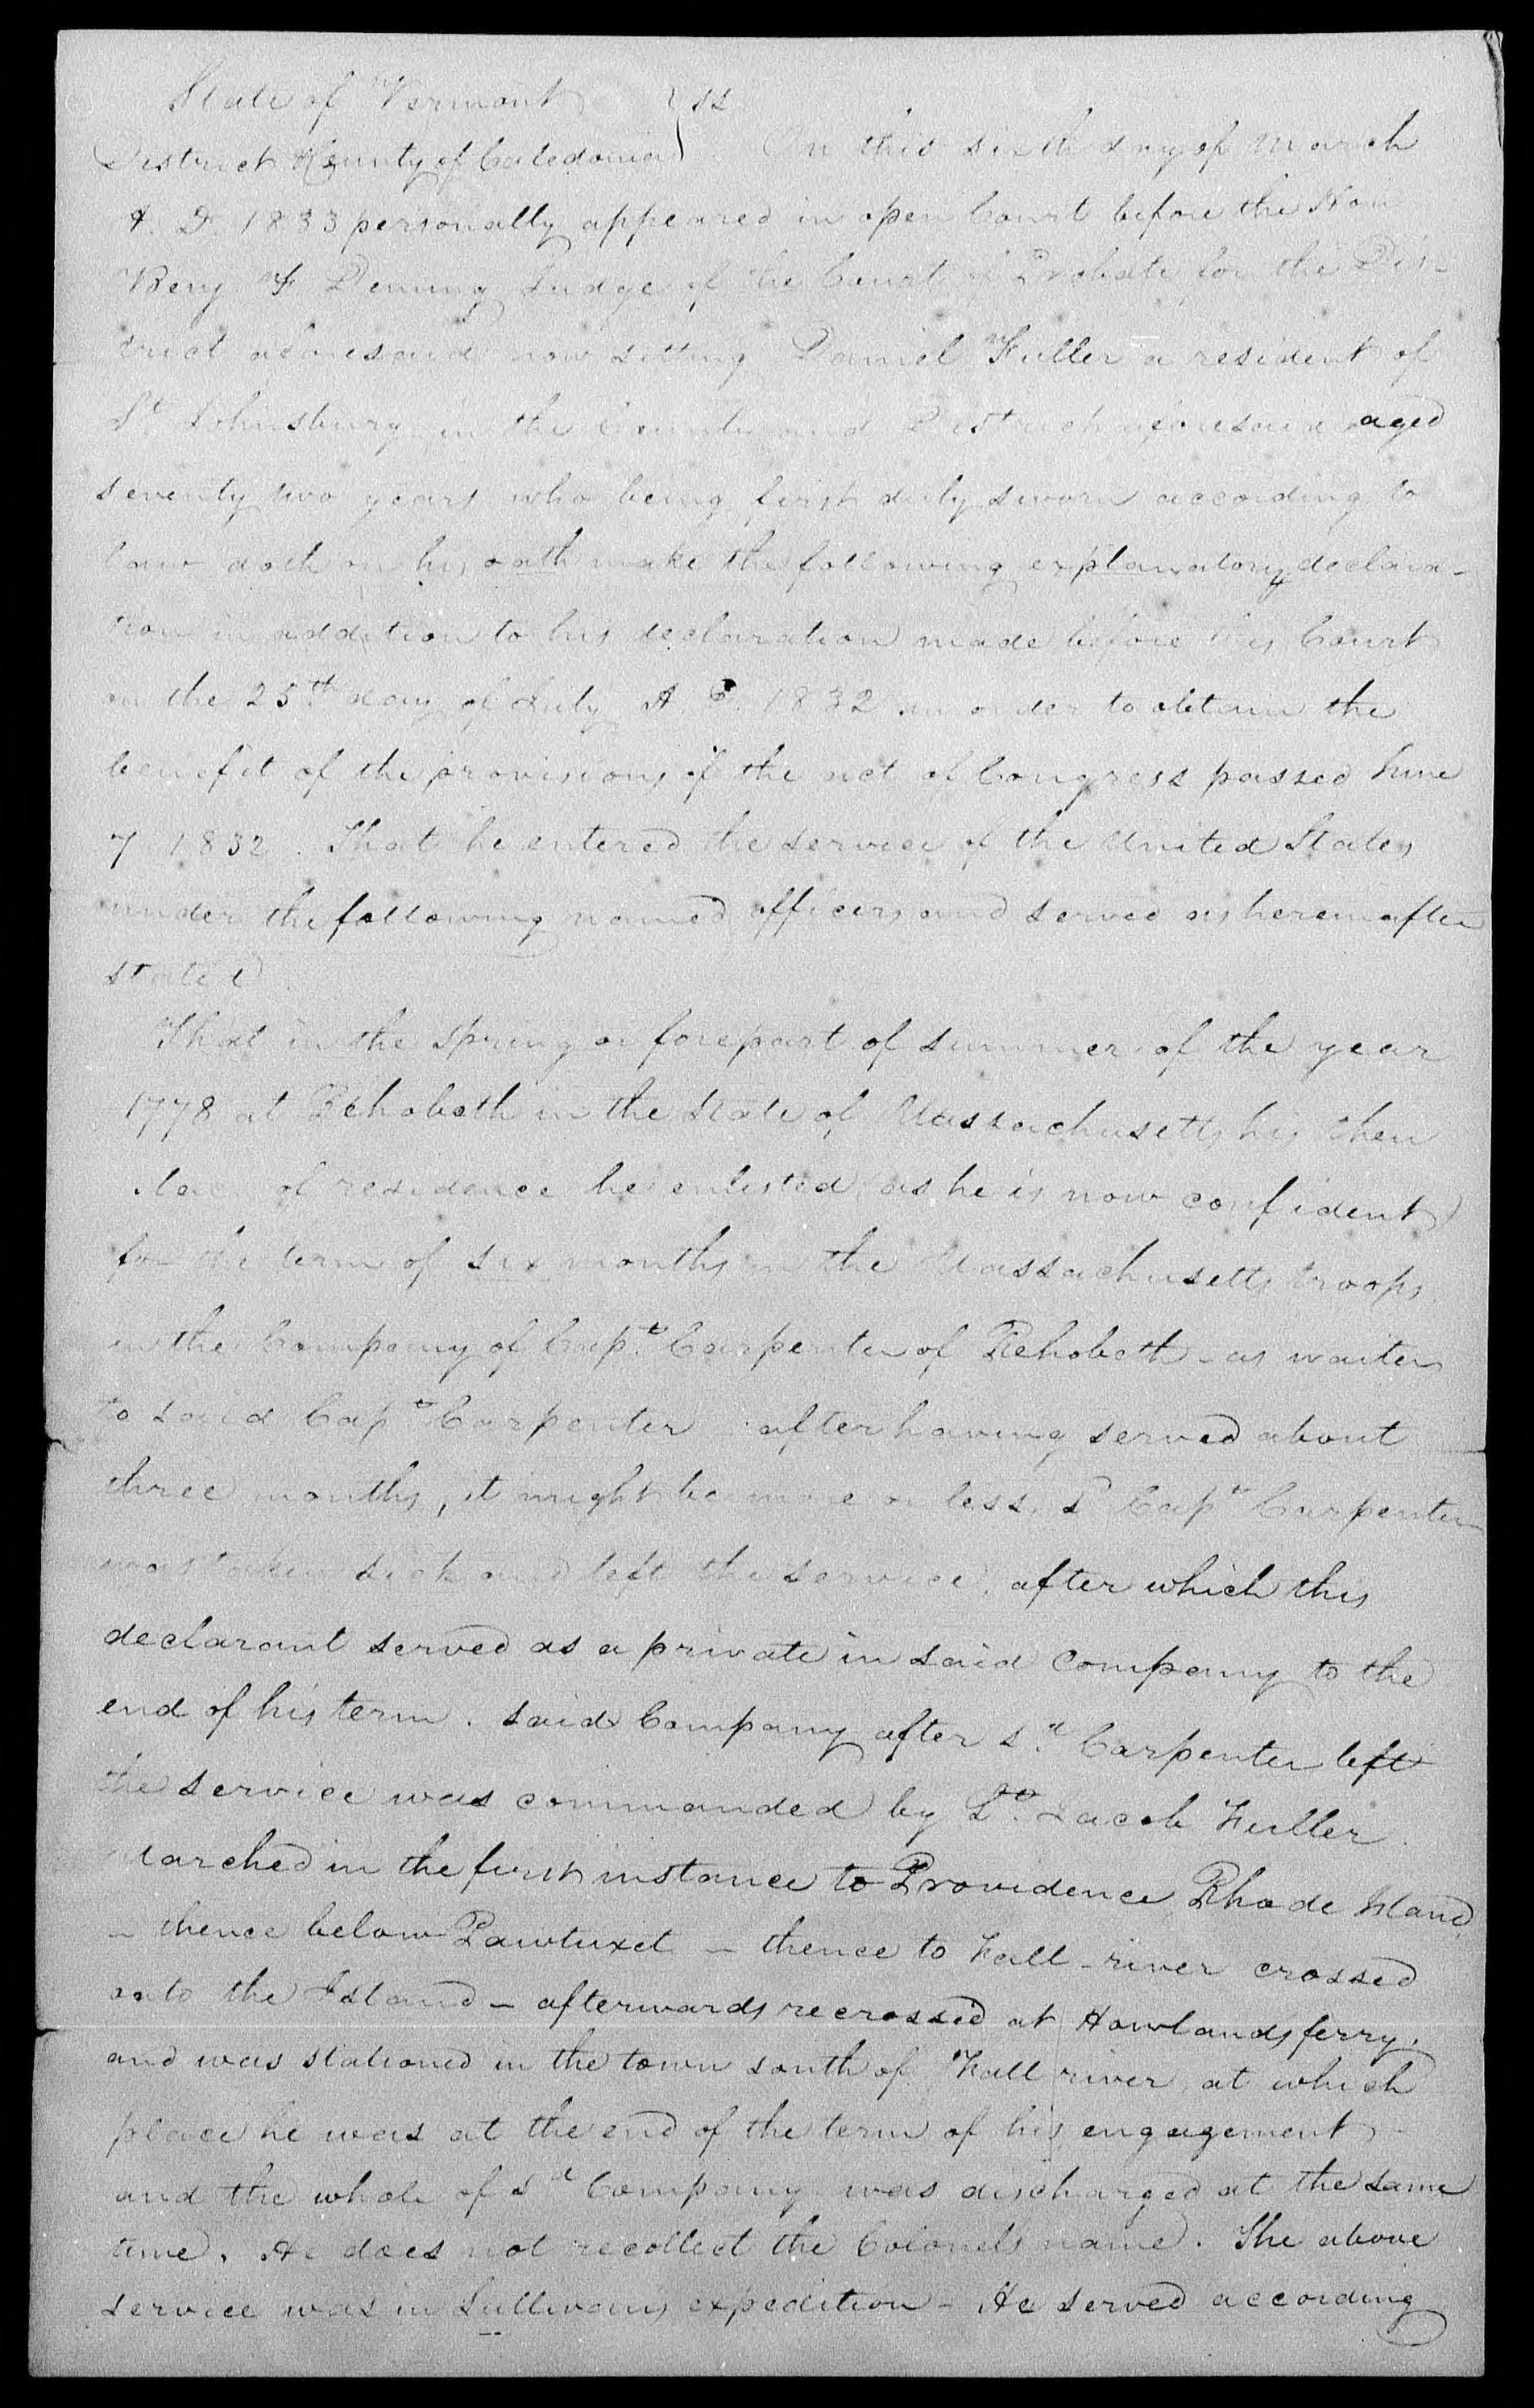State of Vermont
District County of Caledonia ss.
On this sixth day of March
AD 1833 personally appeared in open Court before the Hon
Benj F Deming Judge of the Court of Probate for the District aforesaid now sitting Daniel Fuller a resident of St. Johnsbury in the county of Caledonia and of the foresaid aged
seventy two years who being first duly sworn according to law doth on his oath make the following explanatory declaration in addition to his declaration made before my Court the 25th day of July A.D. 1832, in order to obtain the benefit of the provisions of the act of Congress passed June 7 1832 That he entered the service of the United States under the following named officers and served as hereinafter stated That in the spring or forepart of summer of the year
1778 at Rehoboth in the State of Massachusetts his then town of residence he enlisted as he is now confident for the term of six months the Massachusetts troops
in the Company of Capt Carpenter of Rehoboth as waiter to said Capt Carpenter after having served about three months, it might be more or less, & Capt Carpenter was taken sick and left the service after which this declarant served as a private in said company to the end of his term said company after said Carpenter left the service was commanded by Lt Jacob Fuller marched in the fourth instance to Providence Rhode Island thence below Pawtuxet - thence to hall river crossed unto the Island - afterwards recrossed at Howlands Ferry and was stationed in the town south of hall River at which place he was at the end of the term of his engagement and the whole of said Company was discharged at the same time, & does not recollect the Colonels name. The above service was in Sullivans expedition. He served according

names: Daniel Fuller, Carpenter, Carpenter, Carpenter, Benj F Deming, Hansons, Jacob Fuller, Carpenter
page: 7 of 29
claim: survivor's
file: S. 18830, Daniel Fuller, Mass.